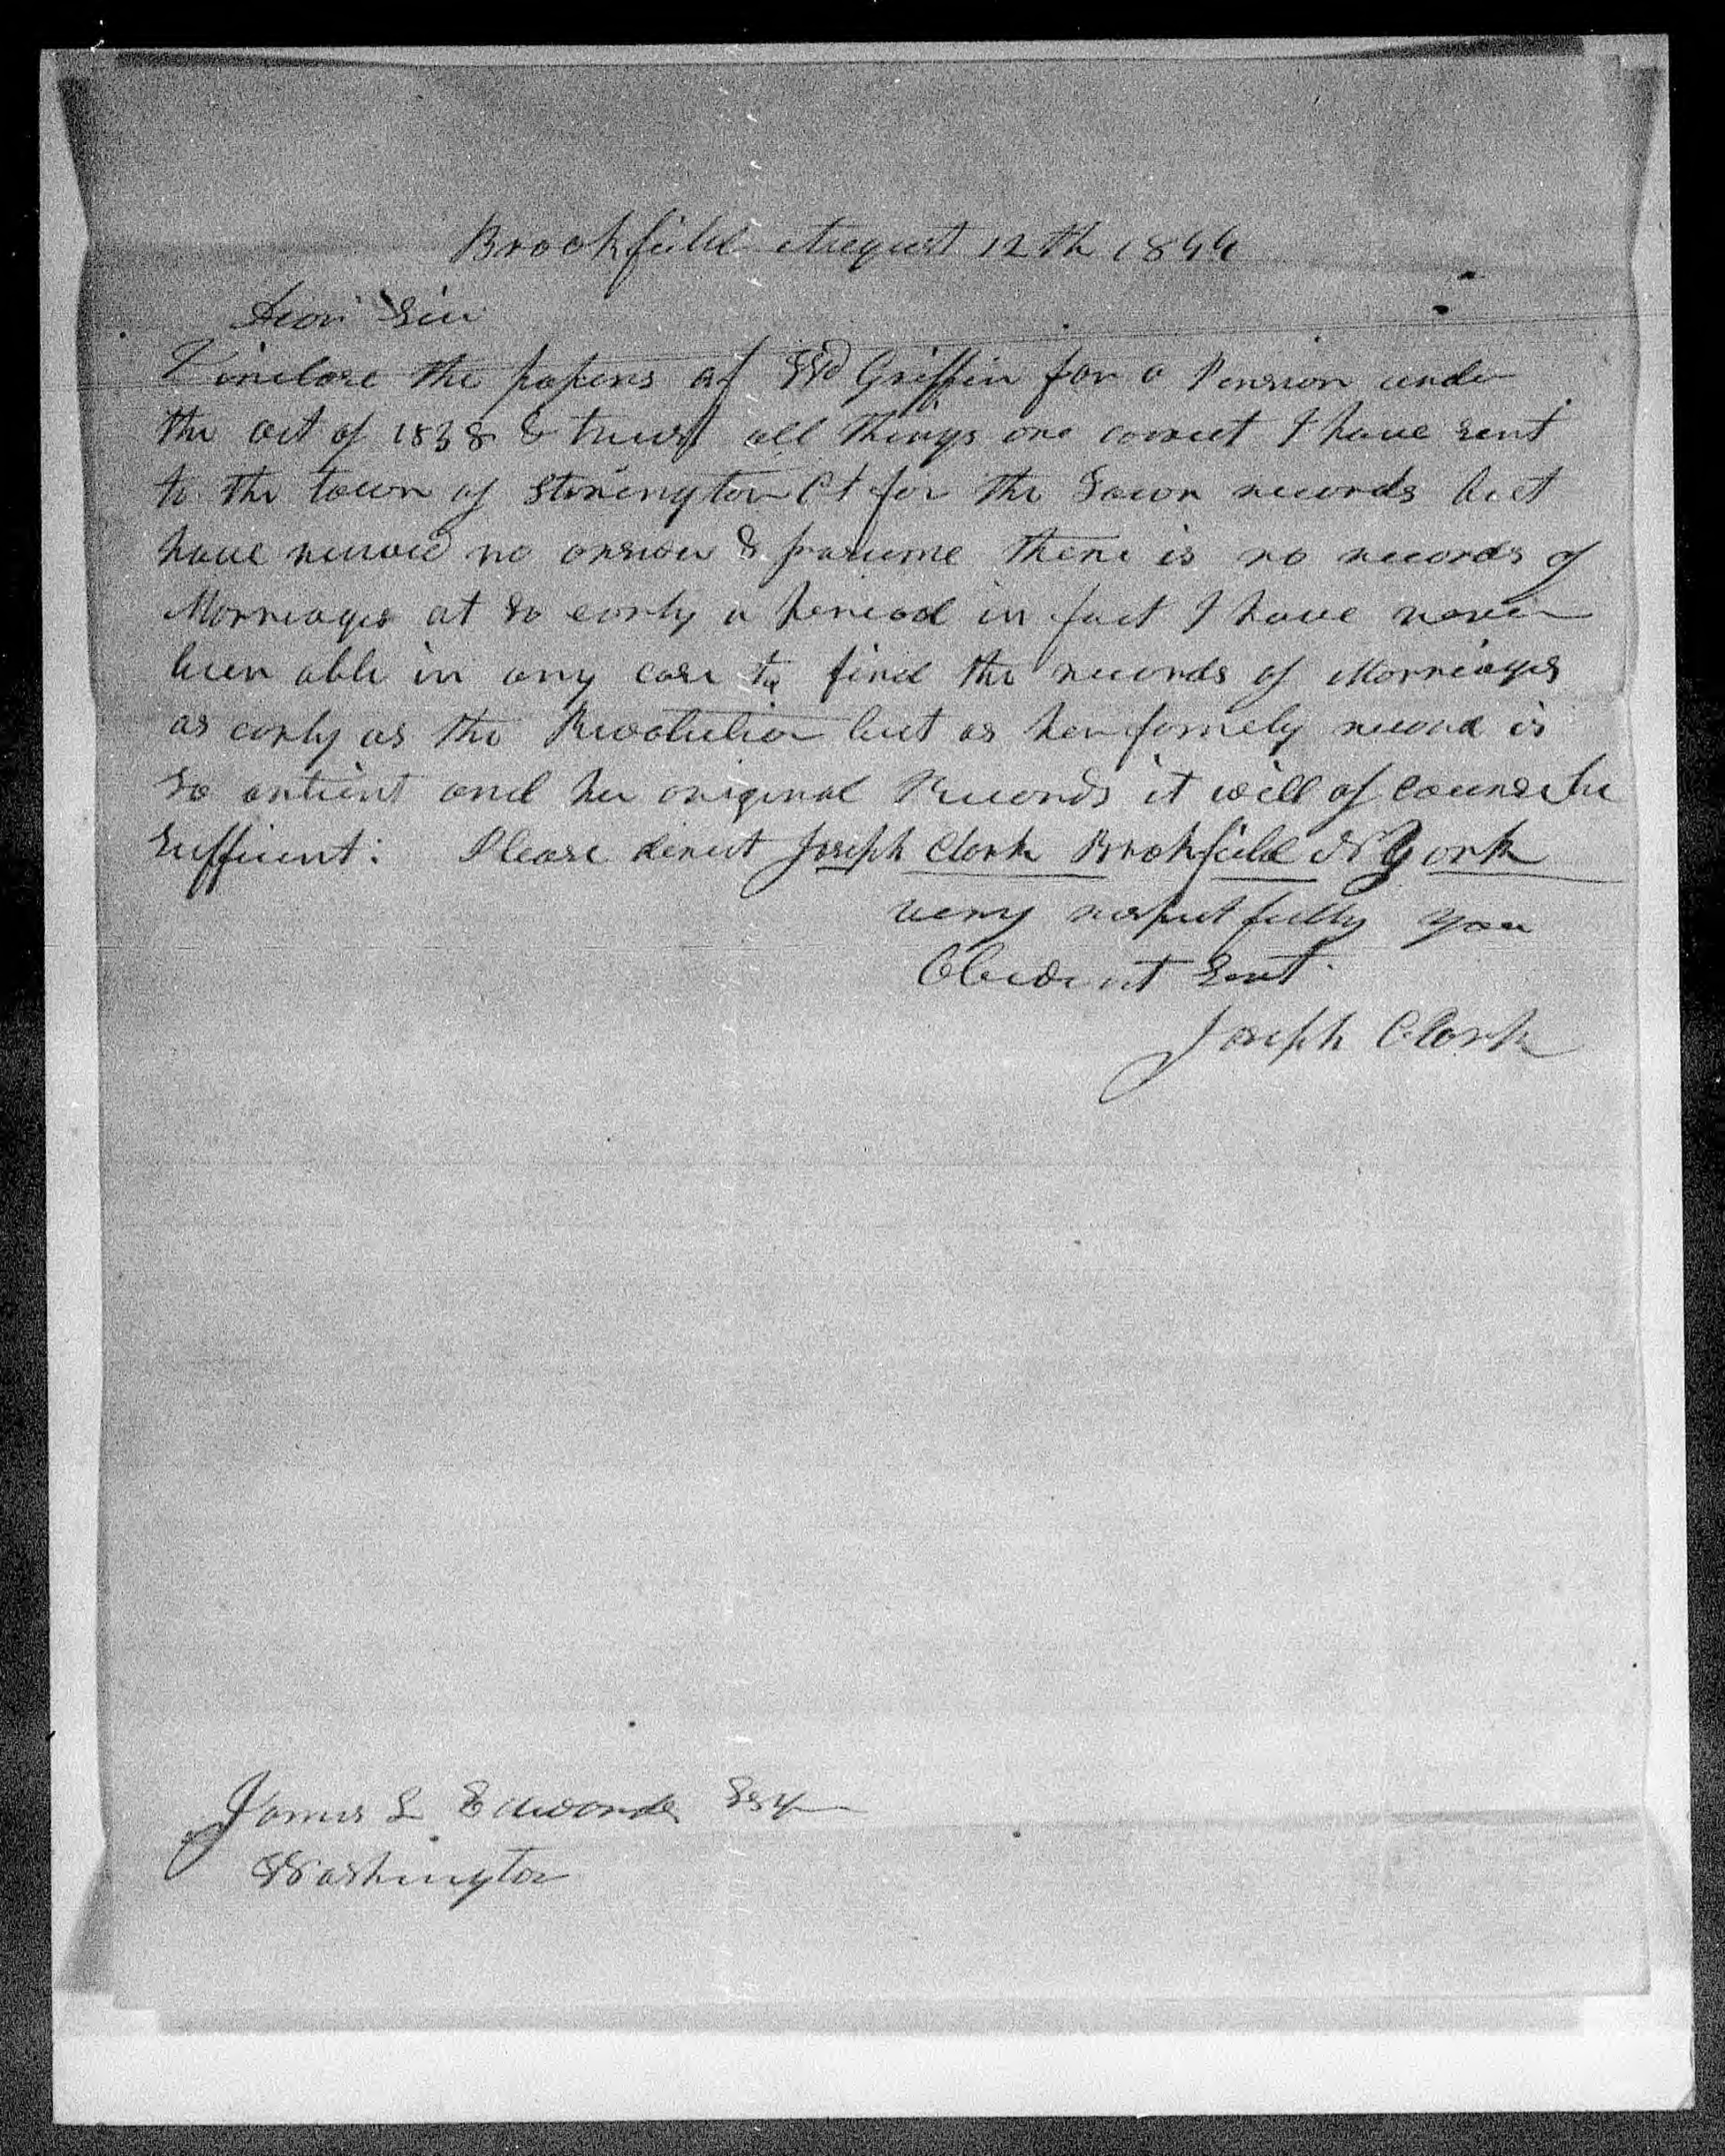Brookfield August 12th 1844
Dear Sir
I inclose the papers of Wd Griffin for a Pension under the act of 1838 & trust all things are correct, I have sent to the town of Stonington Ct for the Town records but have received no answer & presume there is no records of Marriages at so early a period, in fact I have never been able in any case to find the records of Marriage as early as the Revolution, but as her famely [family] record is so antient [ancient] and her original Records it will of course be sufficient.
Please direct Joseph Clark Brookfield N York
very respectfully your Obedient Servt
Joseph Clark

James L Edwards Esqr Washington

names: Griffin, Joseph Clork, James L Edwards, Joseph Clork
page: 32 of 60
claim: widow's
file: W. 19,537, Thomas Griffin, Conn.